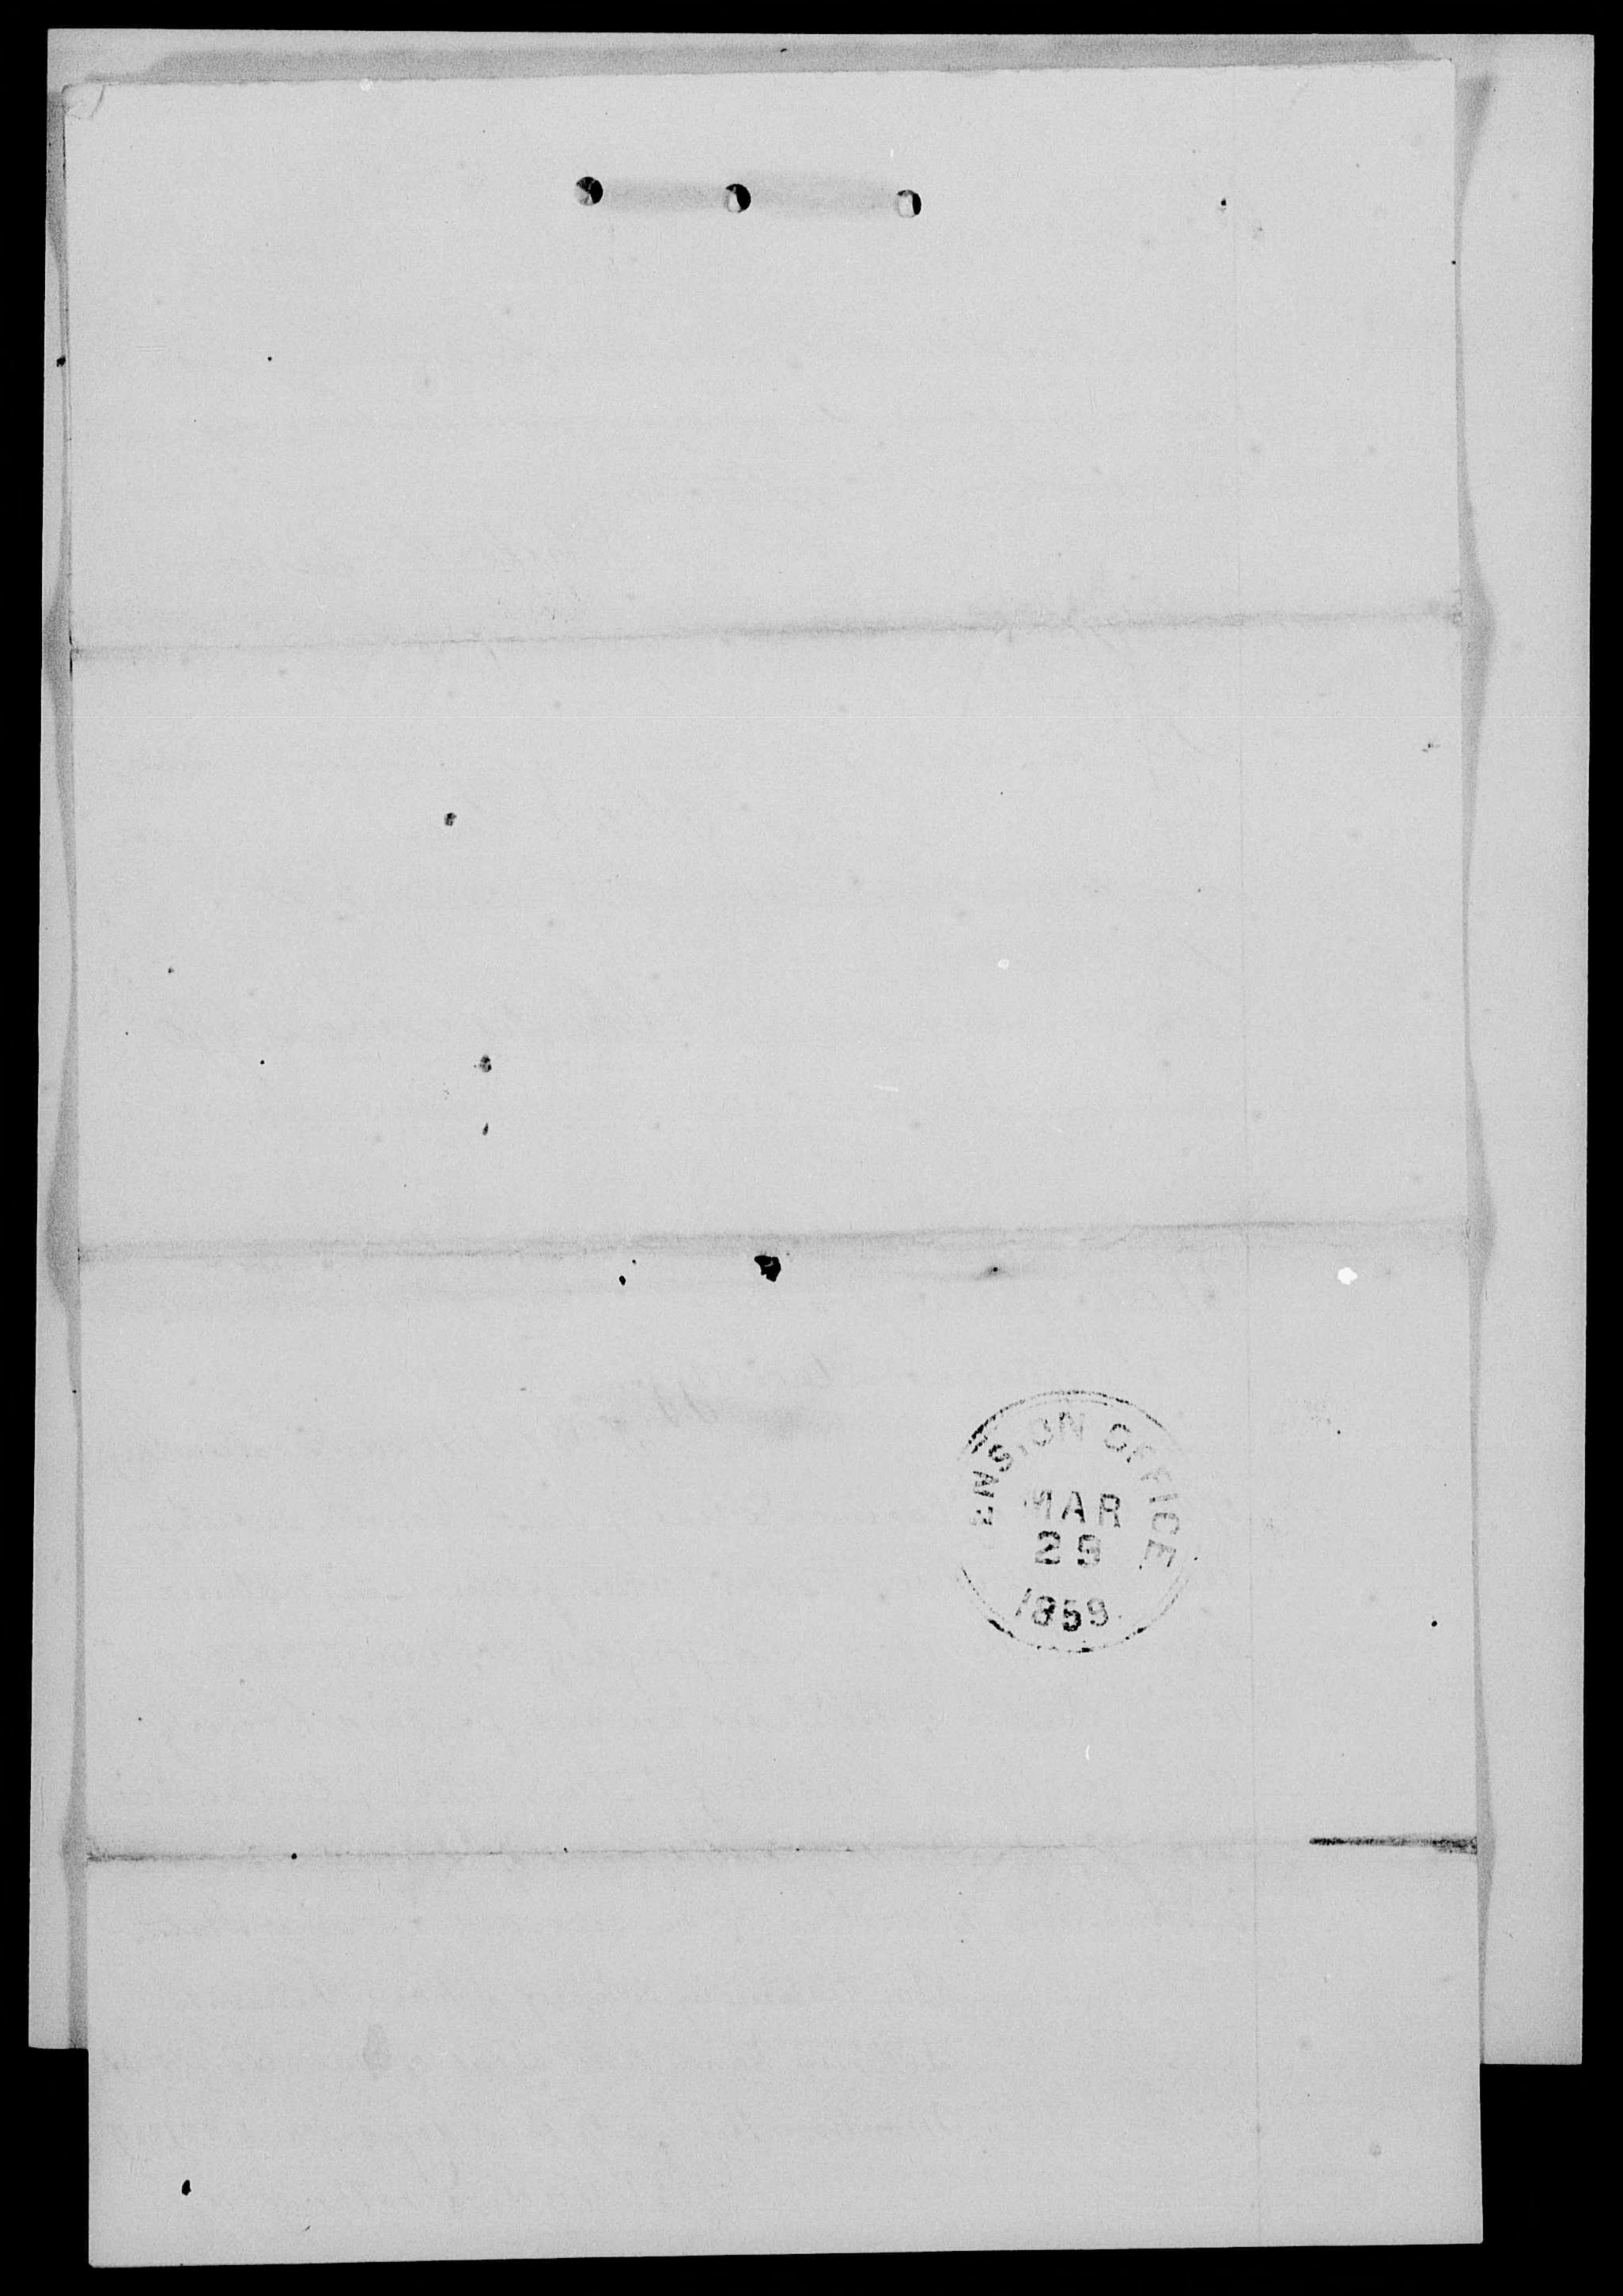[stamped]

PENSION OFFICE.
MAR 29 1859.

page: 6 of 70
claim: rejected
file: R. 6510, for Israel Luce, New York